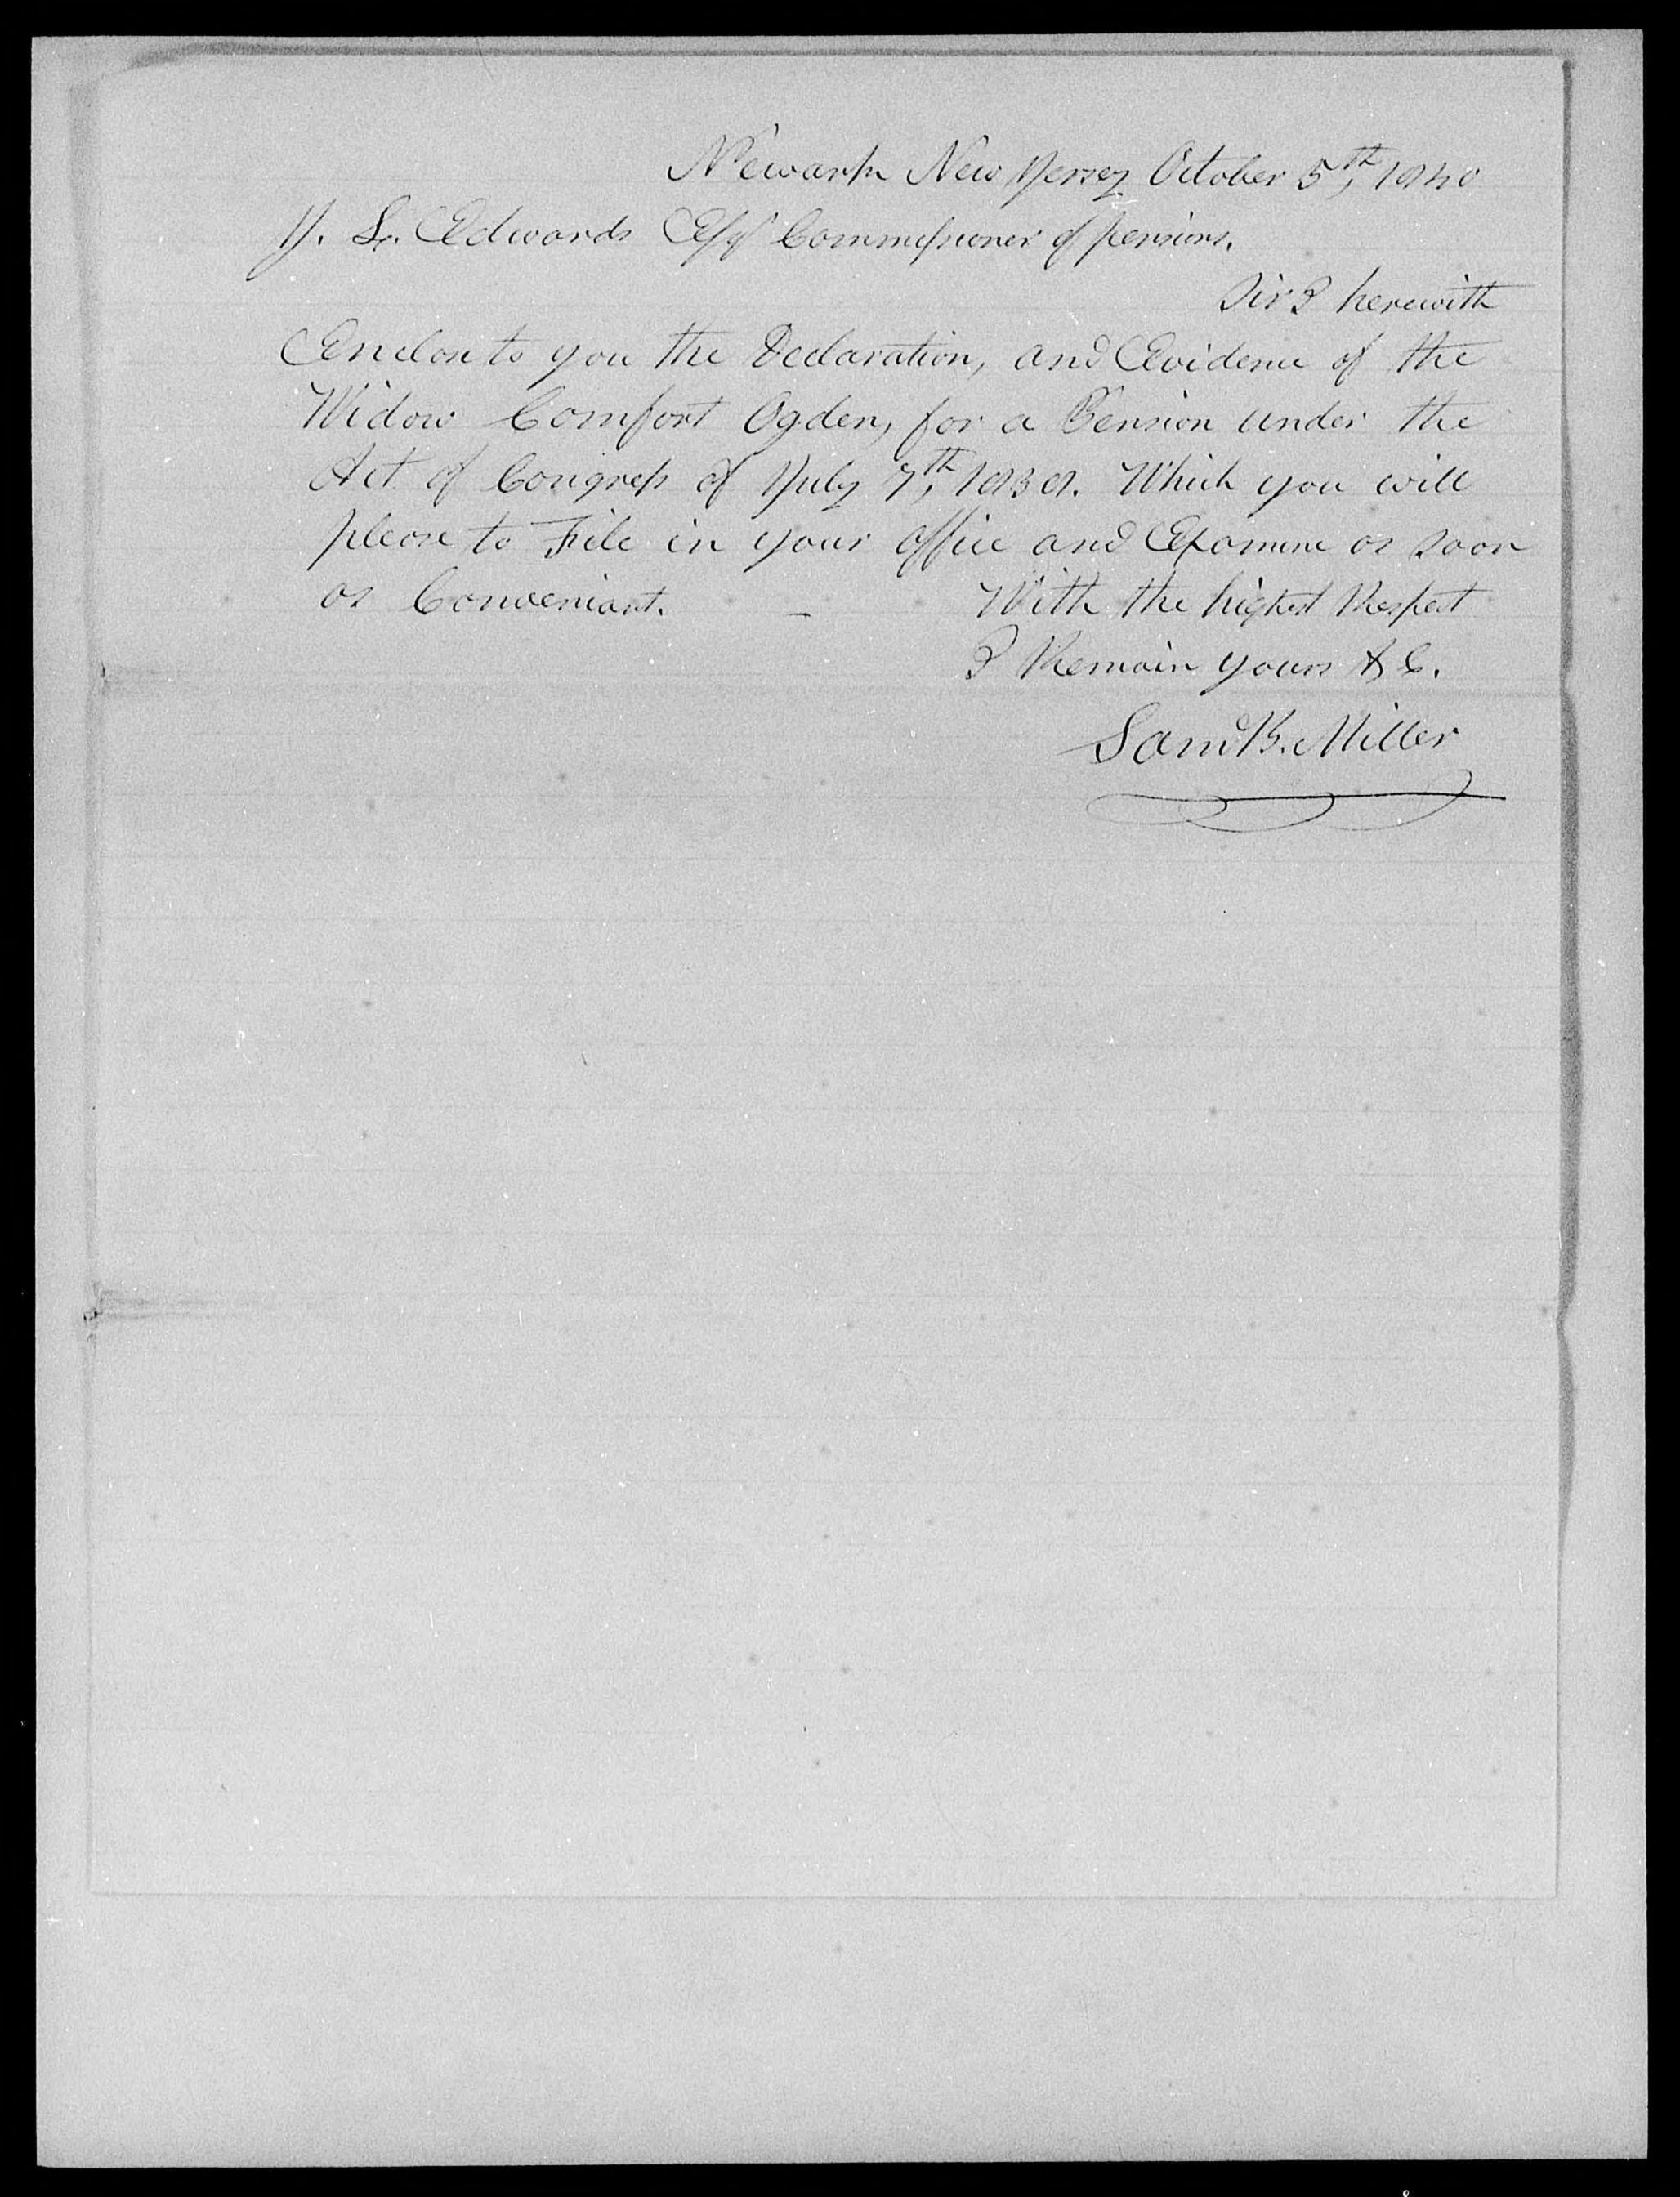Newark New Jersey October 5th, 1840
J. L. Edwards Esq Commissioner of pensions.
         Sir I herewith Enclose to you the Declaration, and Evidence of the Widow Comfort Ogden, for a Pension under the Act of Congress of July 7th, 1838.  Which you will please to File in your office and Examine as soon as Convenient.
    With the highest Respect
    I Remain yours &c.
           Sam B. Miller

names: Comfort Ogden; Saml B Miller; J L Edwards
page: 17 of 25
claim: widow's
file: W. 187, for Ludlow Ogden, New Jersey